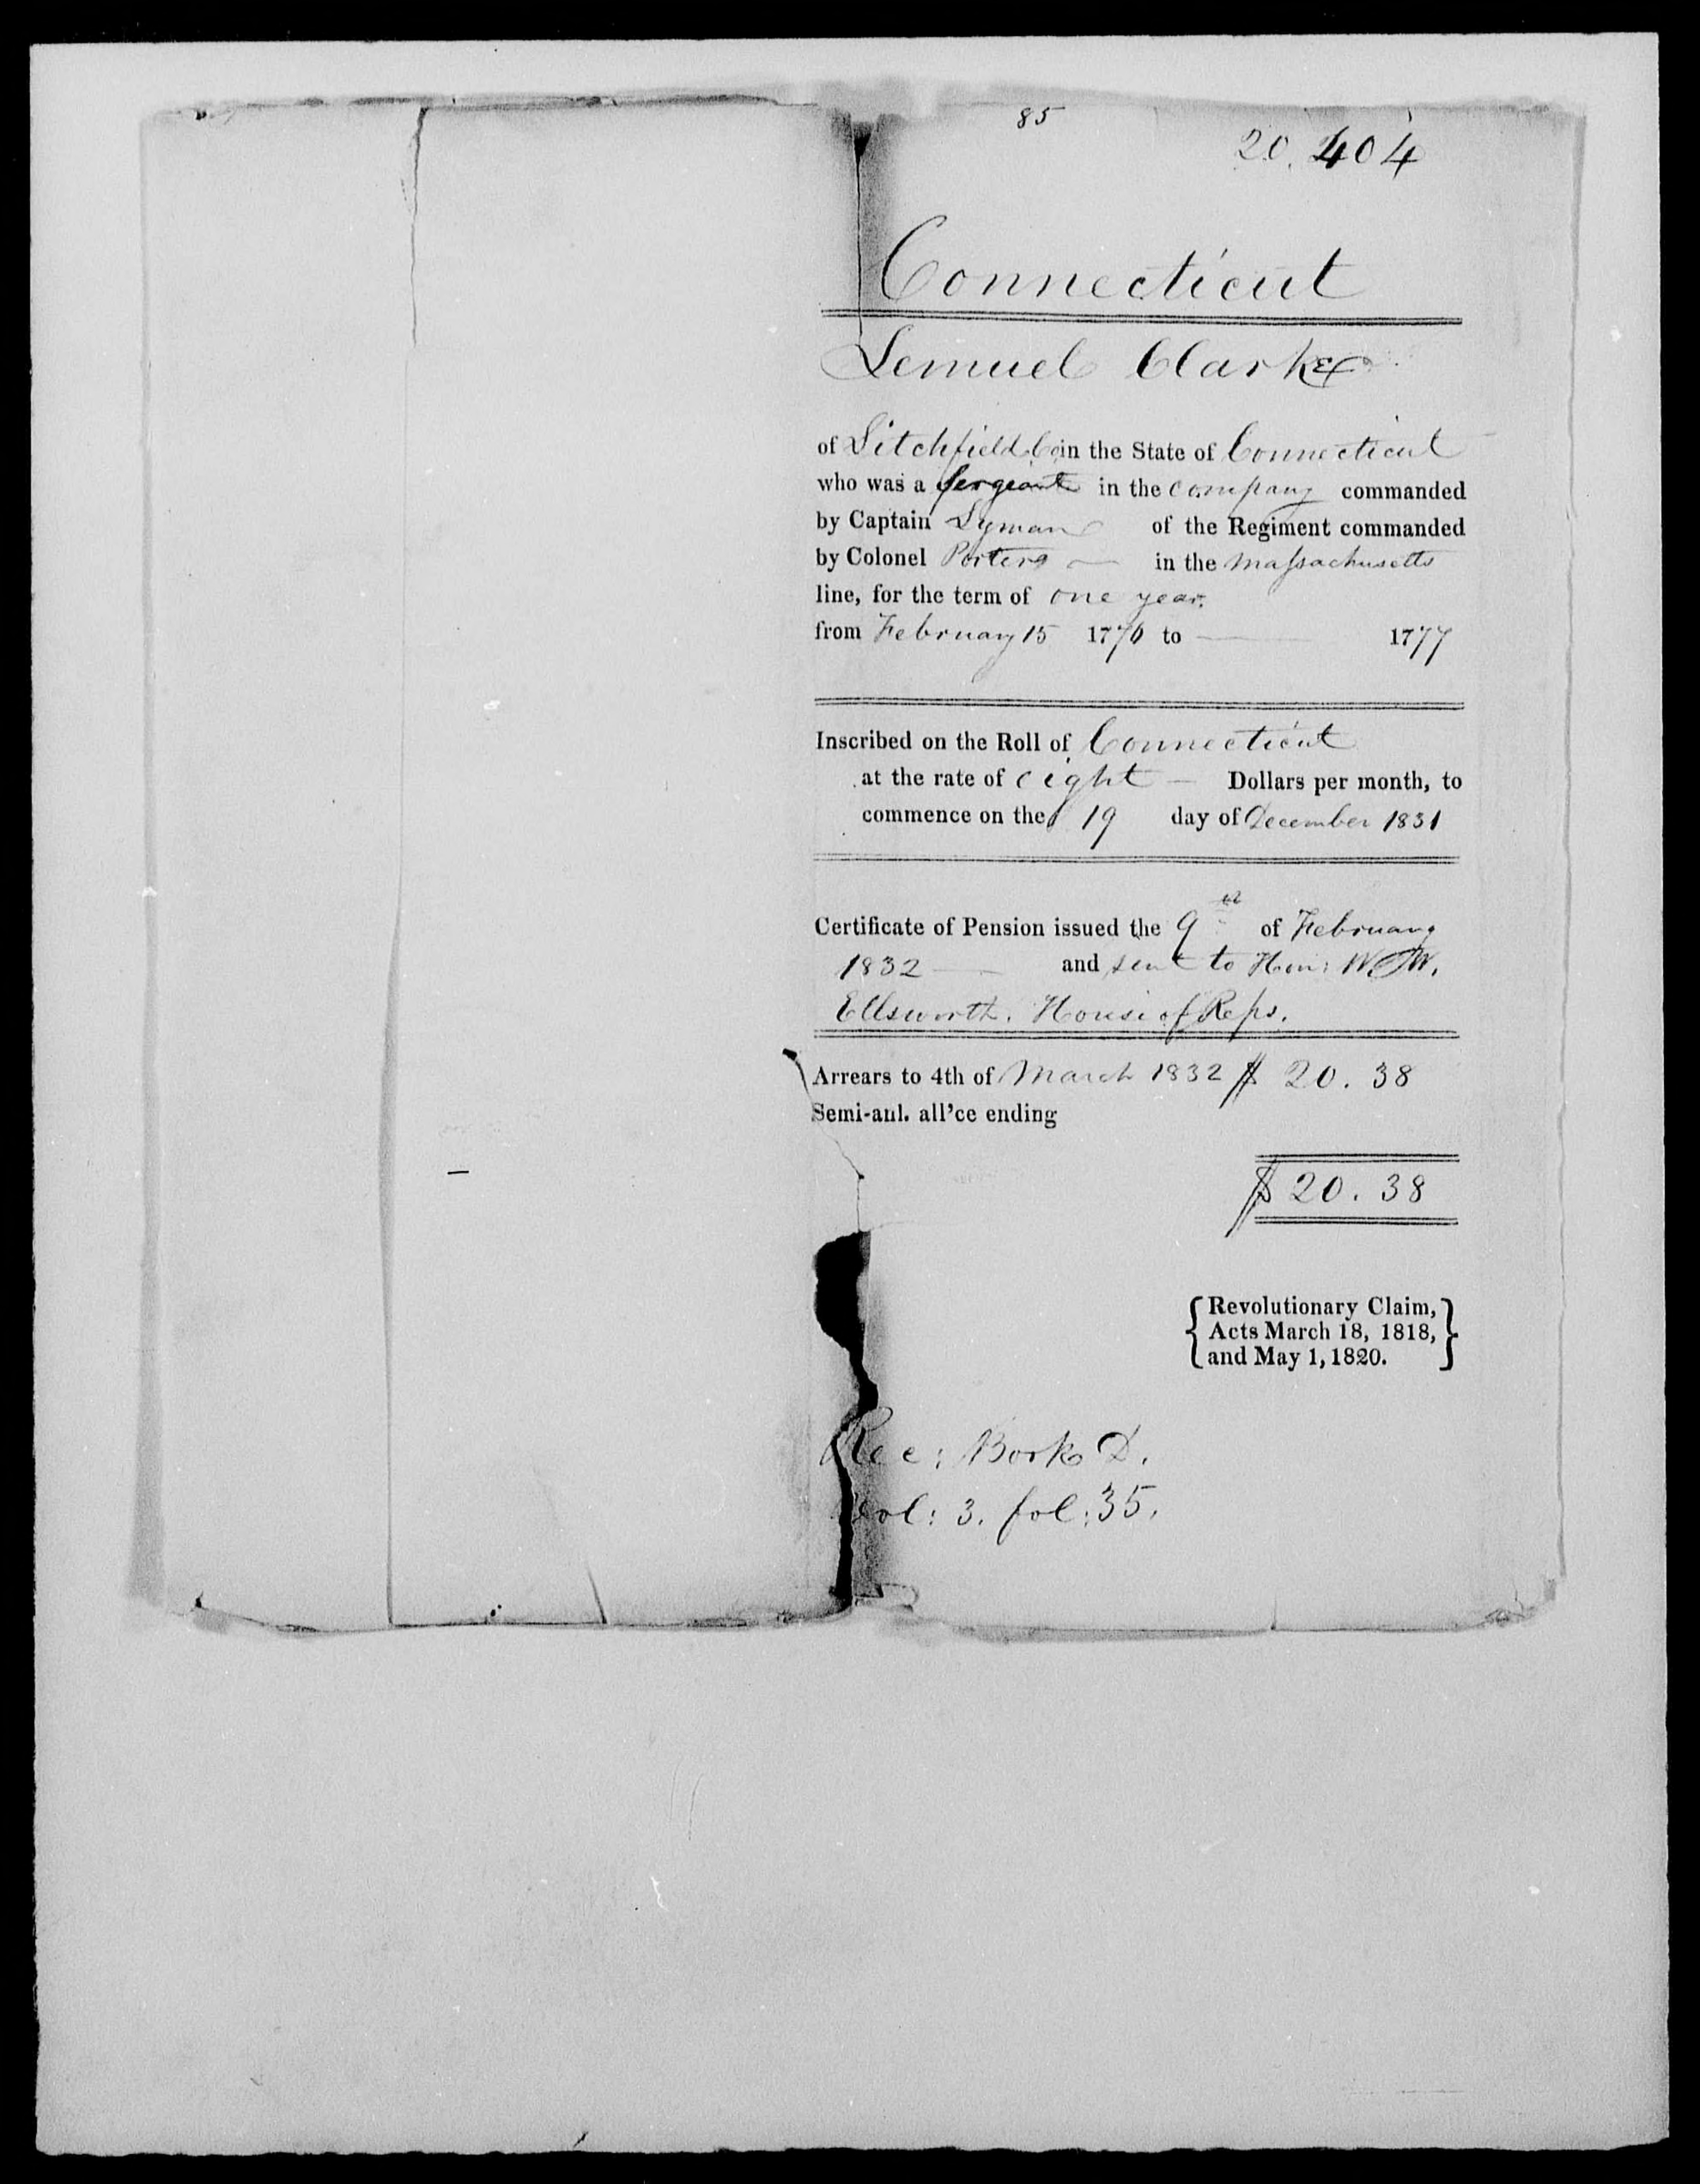20, 404 
Connecticut 
Lemuel Clark 
of Litchfield in the State of Connecticut who was a Sergeant in the company commanded by Captain Lyman of the Regiment commanded by Colonel Porter - in the Massachusetts line, for the term of one year from February 15 1776 to 1777 
---
Inscribed on the Roll of Connecticut at the rate of Eight Dollars per month, to commence on the 19 day of December 1831 
---
Certificate of Pension issued the 9th of February 1832 and sent to Hon. W. W. Ellsworth, House of Reps. 
---
Arrears to 4th of March 1832 $20.38 
Semi-anl, all'ce ending 
===
$20.38

{Revolutionary Claim, Acts March 18, 1818, and May 1, 1820.}
Rec: Book D :3. Vol. 3 page 35,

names: Porters, Lyman, Wm W Ellsworth, Lemuel Clarke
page: 48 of 48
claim: survivor's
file: S. 17343, Lemuel Clarke, Mass.